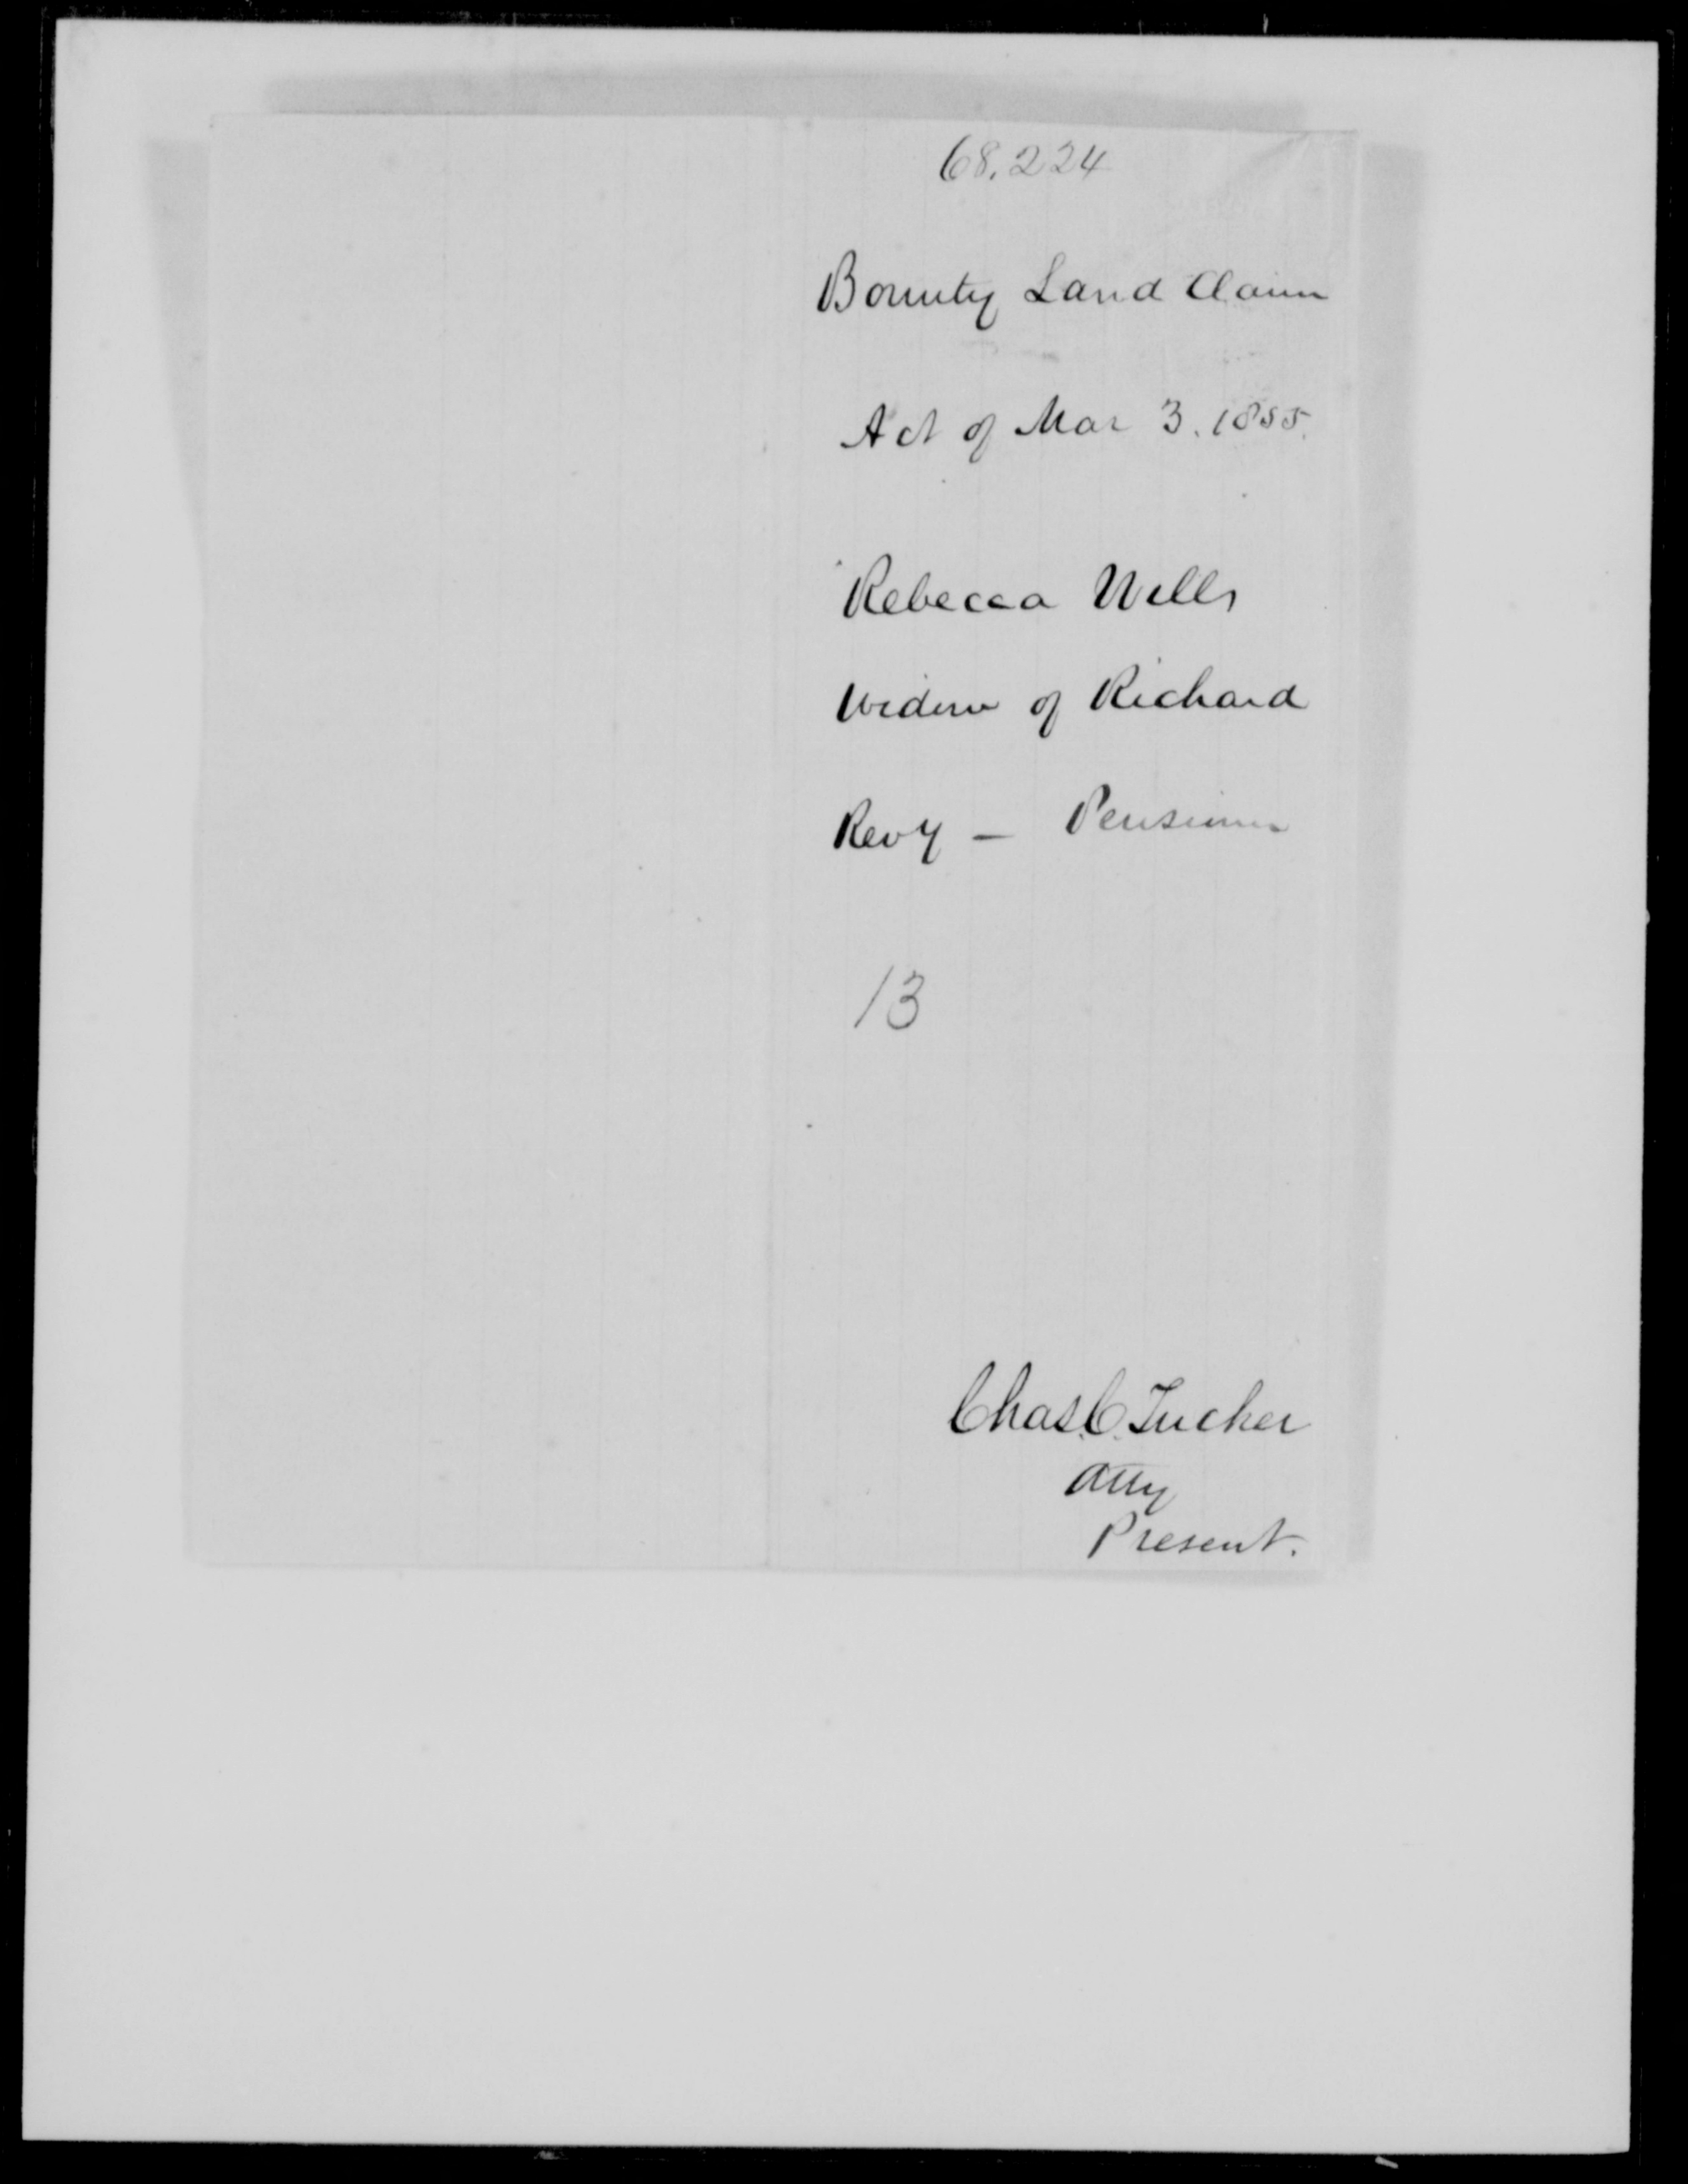68.224 Bounty Land Claim  Act of Mar. 3, 1855. Rebecca Wells widow of Richard  Revy - Pensions   13  Chas C. Tucker  Atty Present.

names: Chas C Tucker, Richard Wells, Rebecca Wells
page: 15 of 100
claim: widow's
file: W. 6437, Richard Wells, Ga Va.